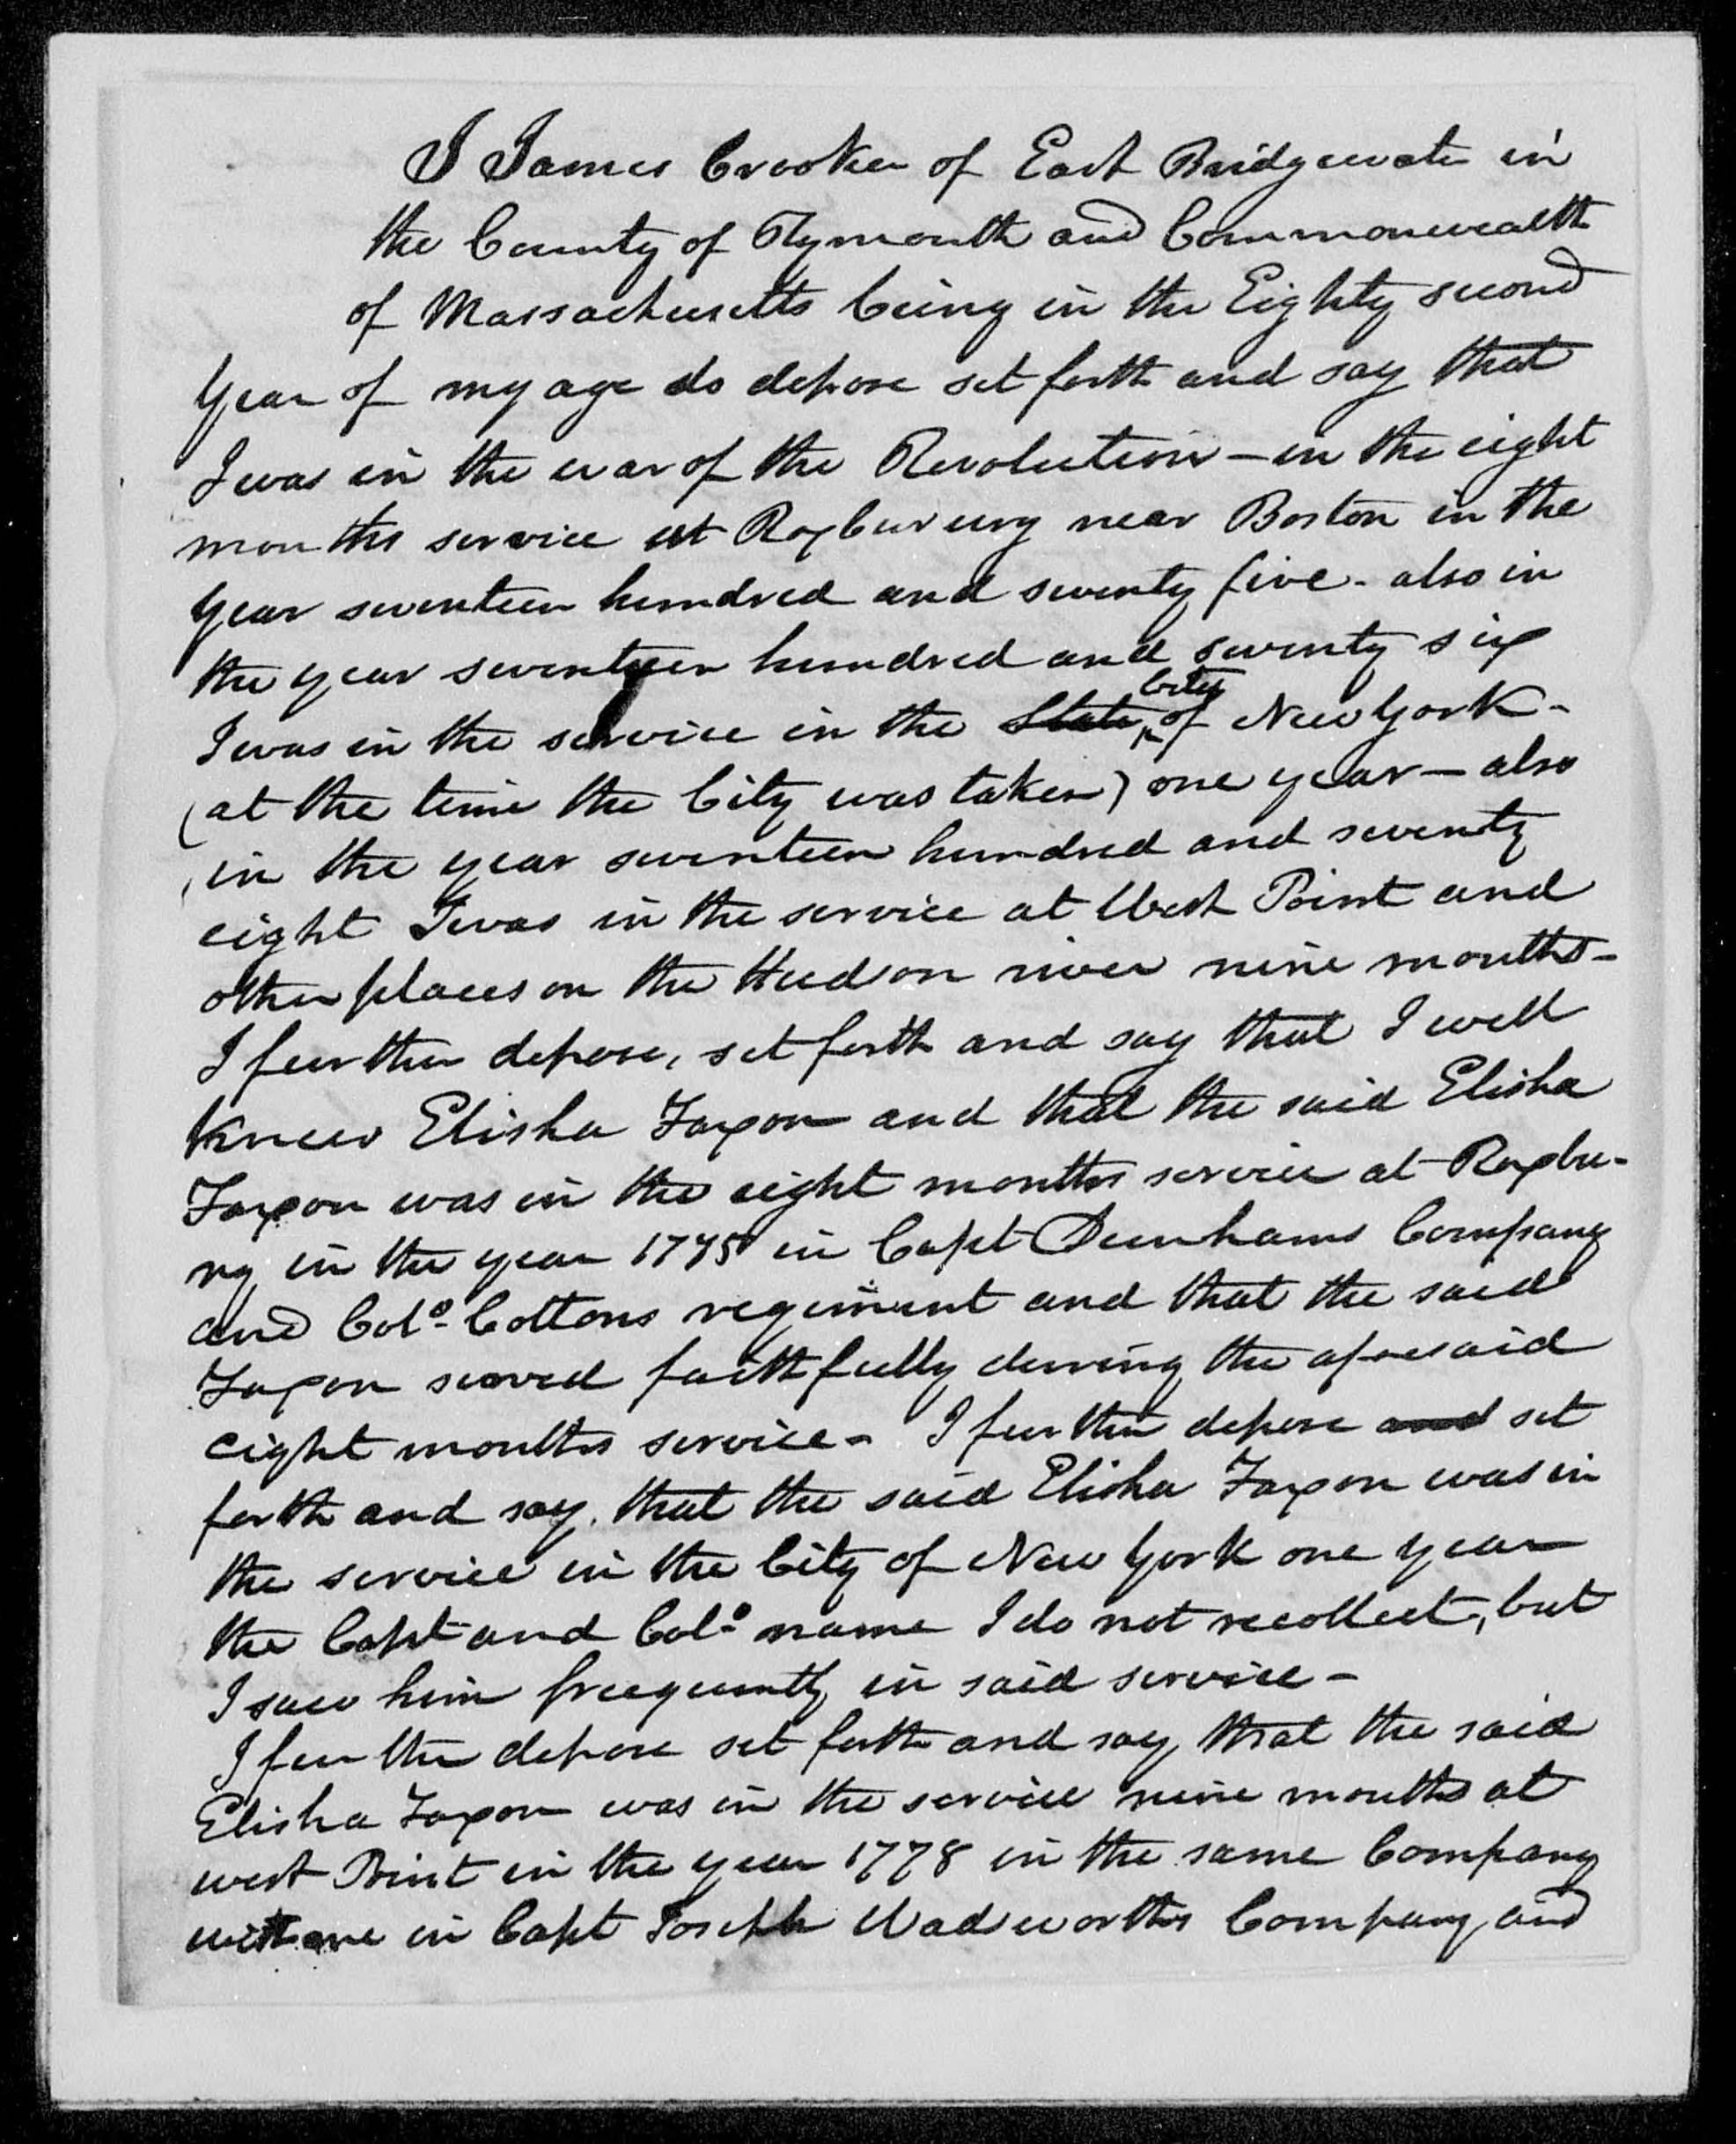I James Crooker of East Bridgewater in the County of Plymouth and Commonwealth of Massachusetts being in the Eighty second year of my age do depose set forth and say that I was in the war of the Revolution - in the eight months service at Roxbury near Boston in the year seventeen hundred and seventy five. Also in the year seventeen hundred and seventy six I was in the service in the City of New York (at the time the city was taken) one year - also in the year seventeen hundred and seventy eight I was in the service at West Point and other places on the Hudson river nine months - I further depose, set forth and say that I well knew Elisha Faxon and that the said Elisha Faxon was in the eight months service at Roxbury in the year 1775 in Captain Dunham's Company and Colonel Cotton's regiment and that the said Faxon served faithfully during the aforesaid eight months service I further depose and set forth and say that the said Elisha Faxon was in the service nine months at West Point in the year 1778 in the same company with me in Captain Joseph Wadsworth's Company and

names: James Crooker, Elisha Faxon, Elisha Faxon, Elisha Faxon, Elisha Faxon, Faxon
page: 39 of 47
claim: widow's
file: W. 14703, Elisha Faxon, Mass